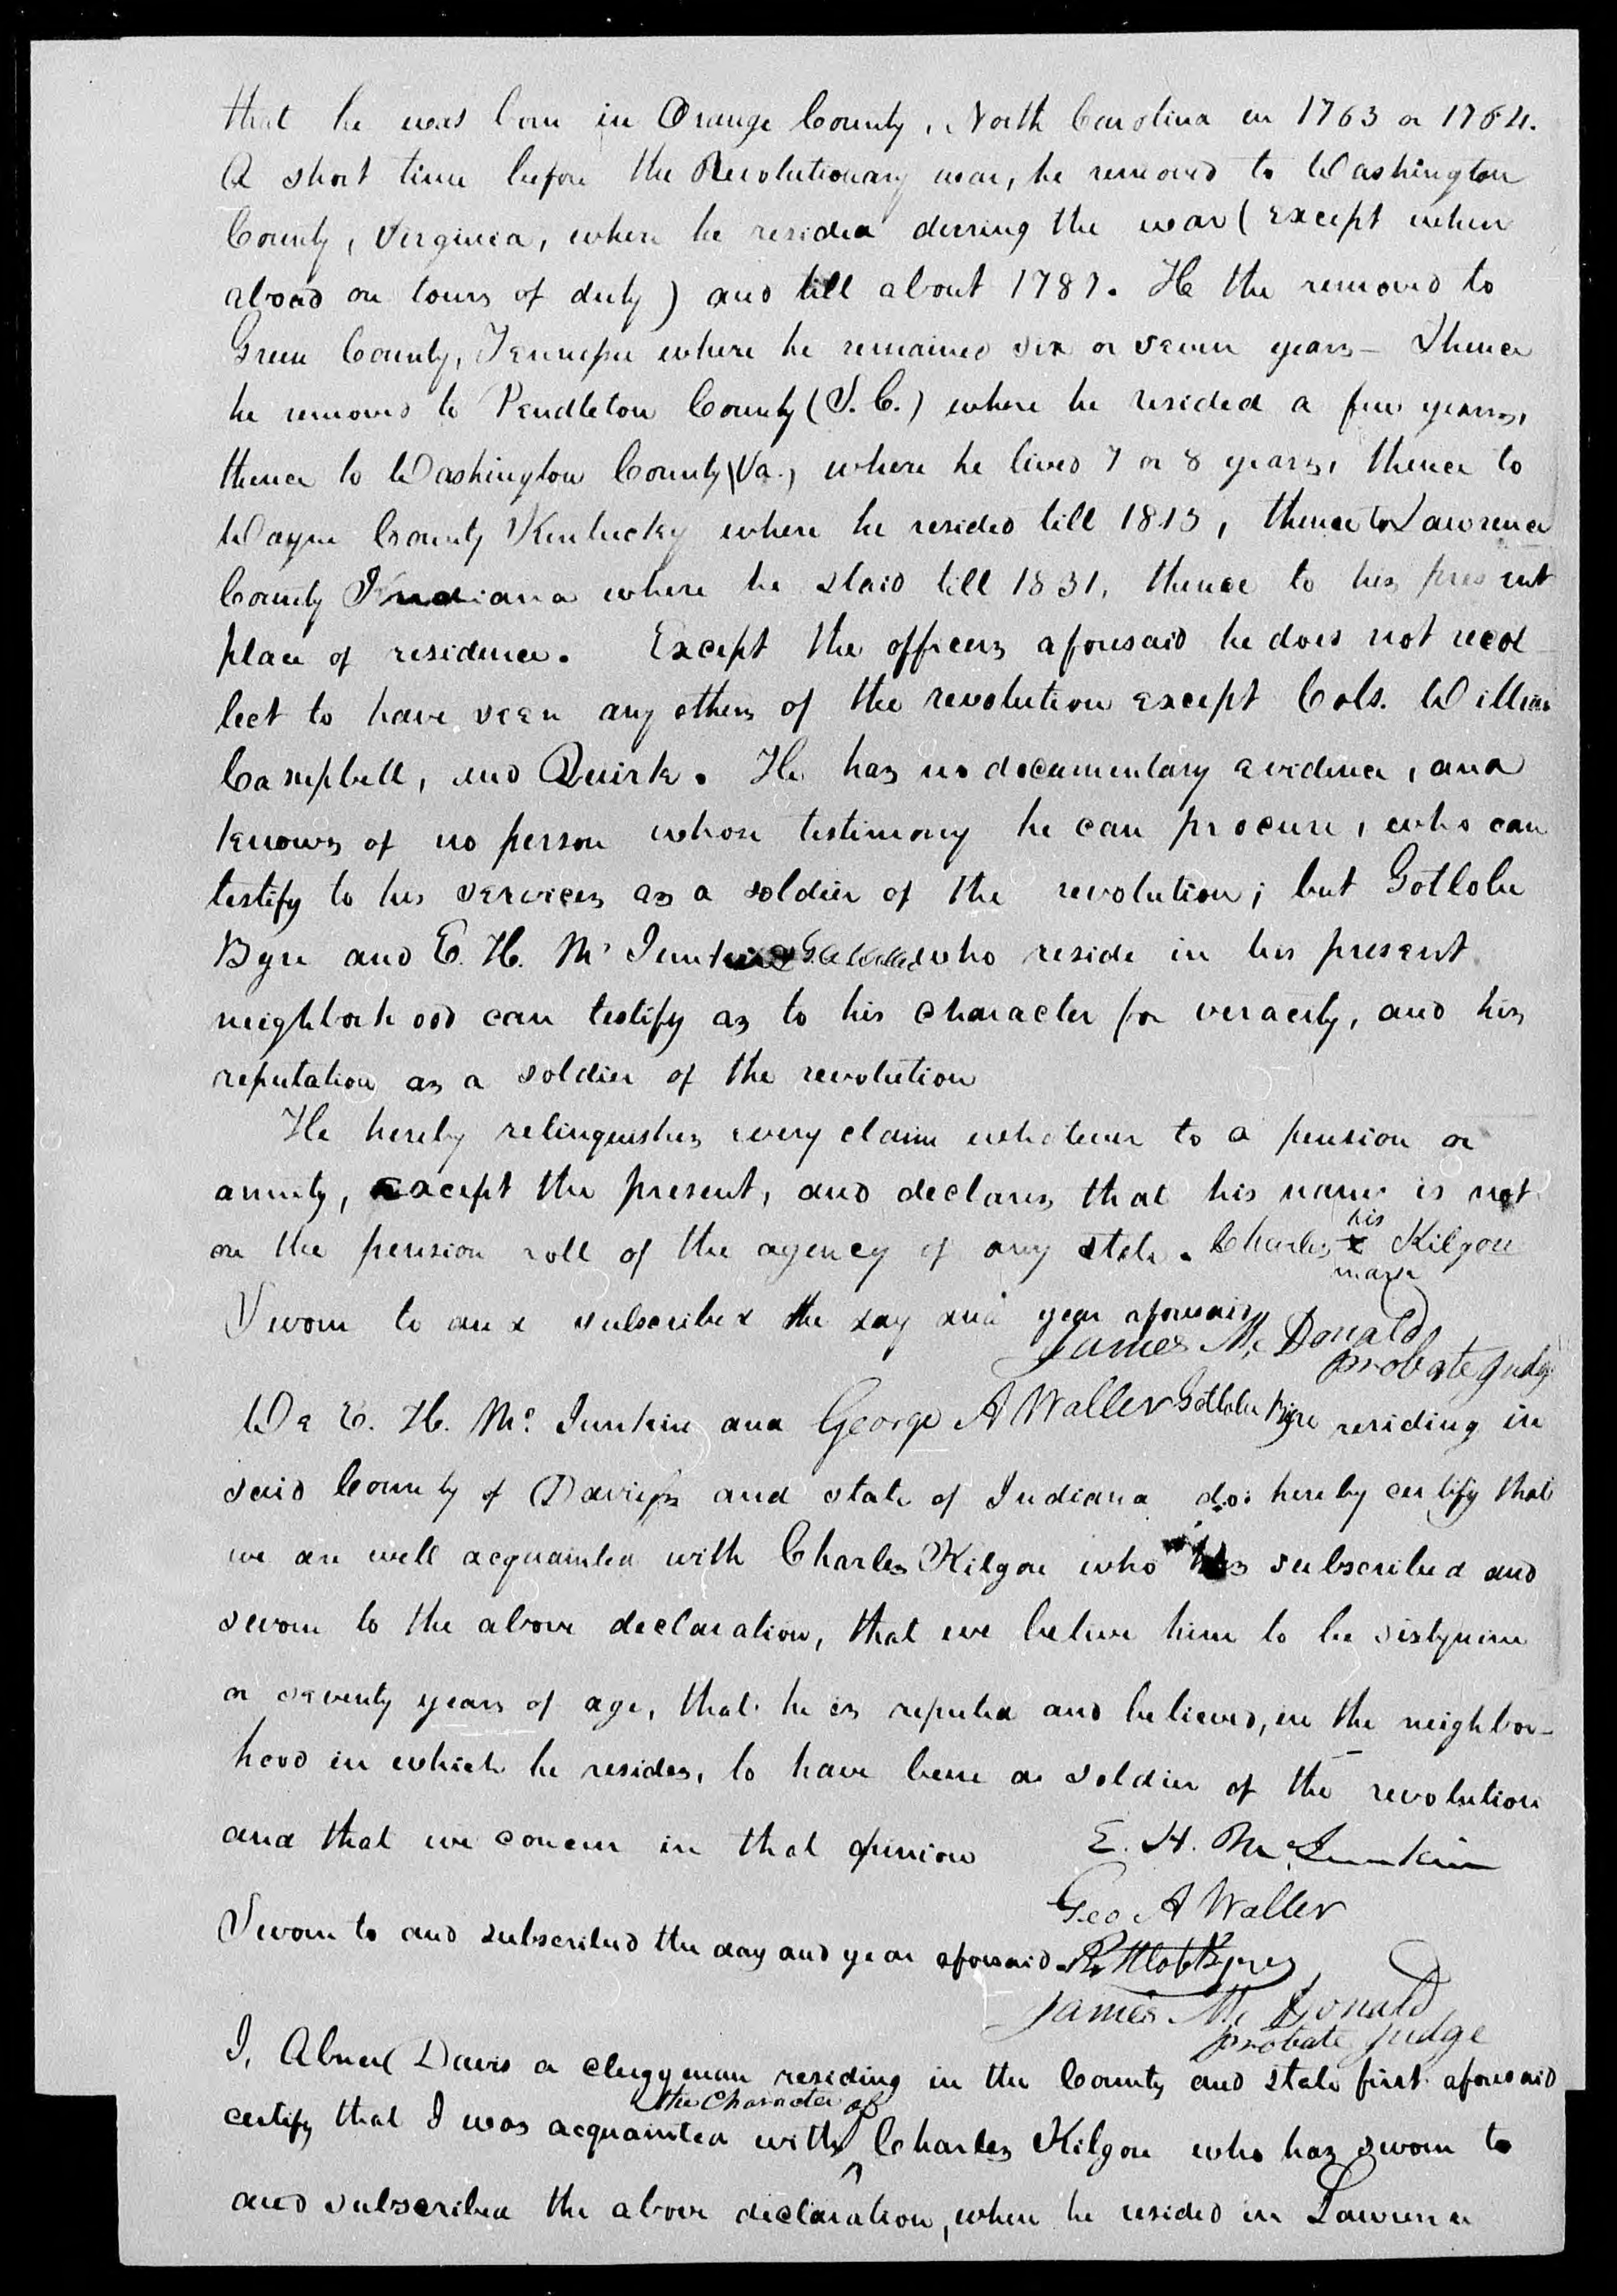that he was born in Orange County, North Carolina in 1763 or 1764. A short time before the Revolutionary war, he removed to Washington County, Virginia, where he resided during the war (except when aboad on tours of duty) and till about 1787. He the removed to Green County, Tennessee where he remained six or seven years. Thence he removed to Pendleton County (S.C.) where he resided a few years, thence to Washington County, Va., where he lived 7 or 8 years, thence to Wayne County Kentucky where he resided till 1815, thence to Lawrence County Indiana where he staid till 1831, thence to his present place of residence. Except the officers aforesaid he does not recollect to have seen any others of the revolution except Cols. William Campbell, and Quirk. He has no documentary evidence, and knows of no person whose testimony he can procure, who can testify to his services as a soldier of the revolution; but Gotlobe Byre and E. H. McJunkin [illegible] who reside in his present neighborhood can testify as to his character for veracity, and his reputation as a soldier of the revolution
He hereby relinquishes every claim whatever to a pension or annuity, except the present, and declares that his name is not on the pension roll of the agency of any State.
Charles Kilgore, his X mark

Sworn to and subscribed the day and year aforesaid
James McDonald
Probate Judge

We E.H. McJunkin and George A Waller Gotlobe Byre residing in said County of Daviess and state of Indiana do hereby certify that we are well acquainted with Charles Kilgore who has subscribed and sworn to the above declaration, that we believe him to be sixty nine or seventy years of age, that he is reputed and believed, in the neighborhood in which he resides, to have been a soldier of the revolution and that we concur in that opinion
E. H. Junkin
Geo A Waller
Gottlob Byre

Sworn to and subscribed the day and year aforesaid
James Mc Donald
Probate Judge

I Abner Davis a clergyman residing in the County and State first aforesaid certify that I was acquainted with the character of Charles Kilgore who has sworn to and subscribed the above declaration, when he resided in Lawrence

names: E H Mc Junkin; Charles Kilgore; William Quirk; George A Waller; James Mc Donald; Abner Davis; William Campbell; Gotlobe Byre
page: 50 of 115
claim: survivor's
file: S. 699, for Charles Kilgore, Virginia